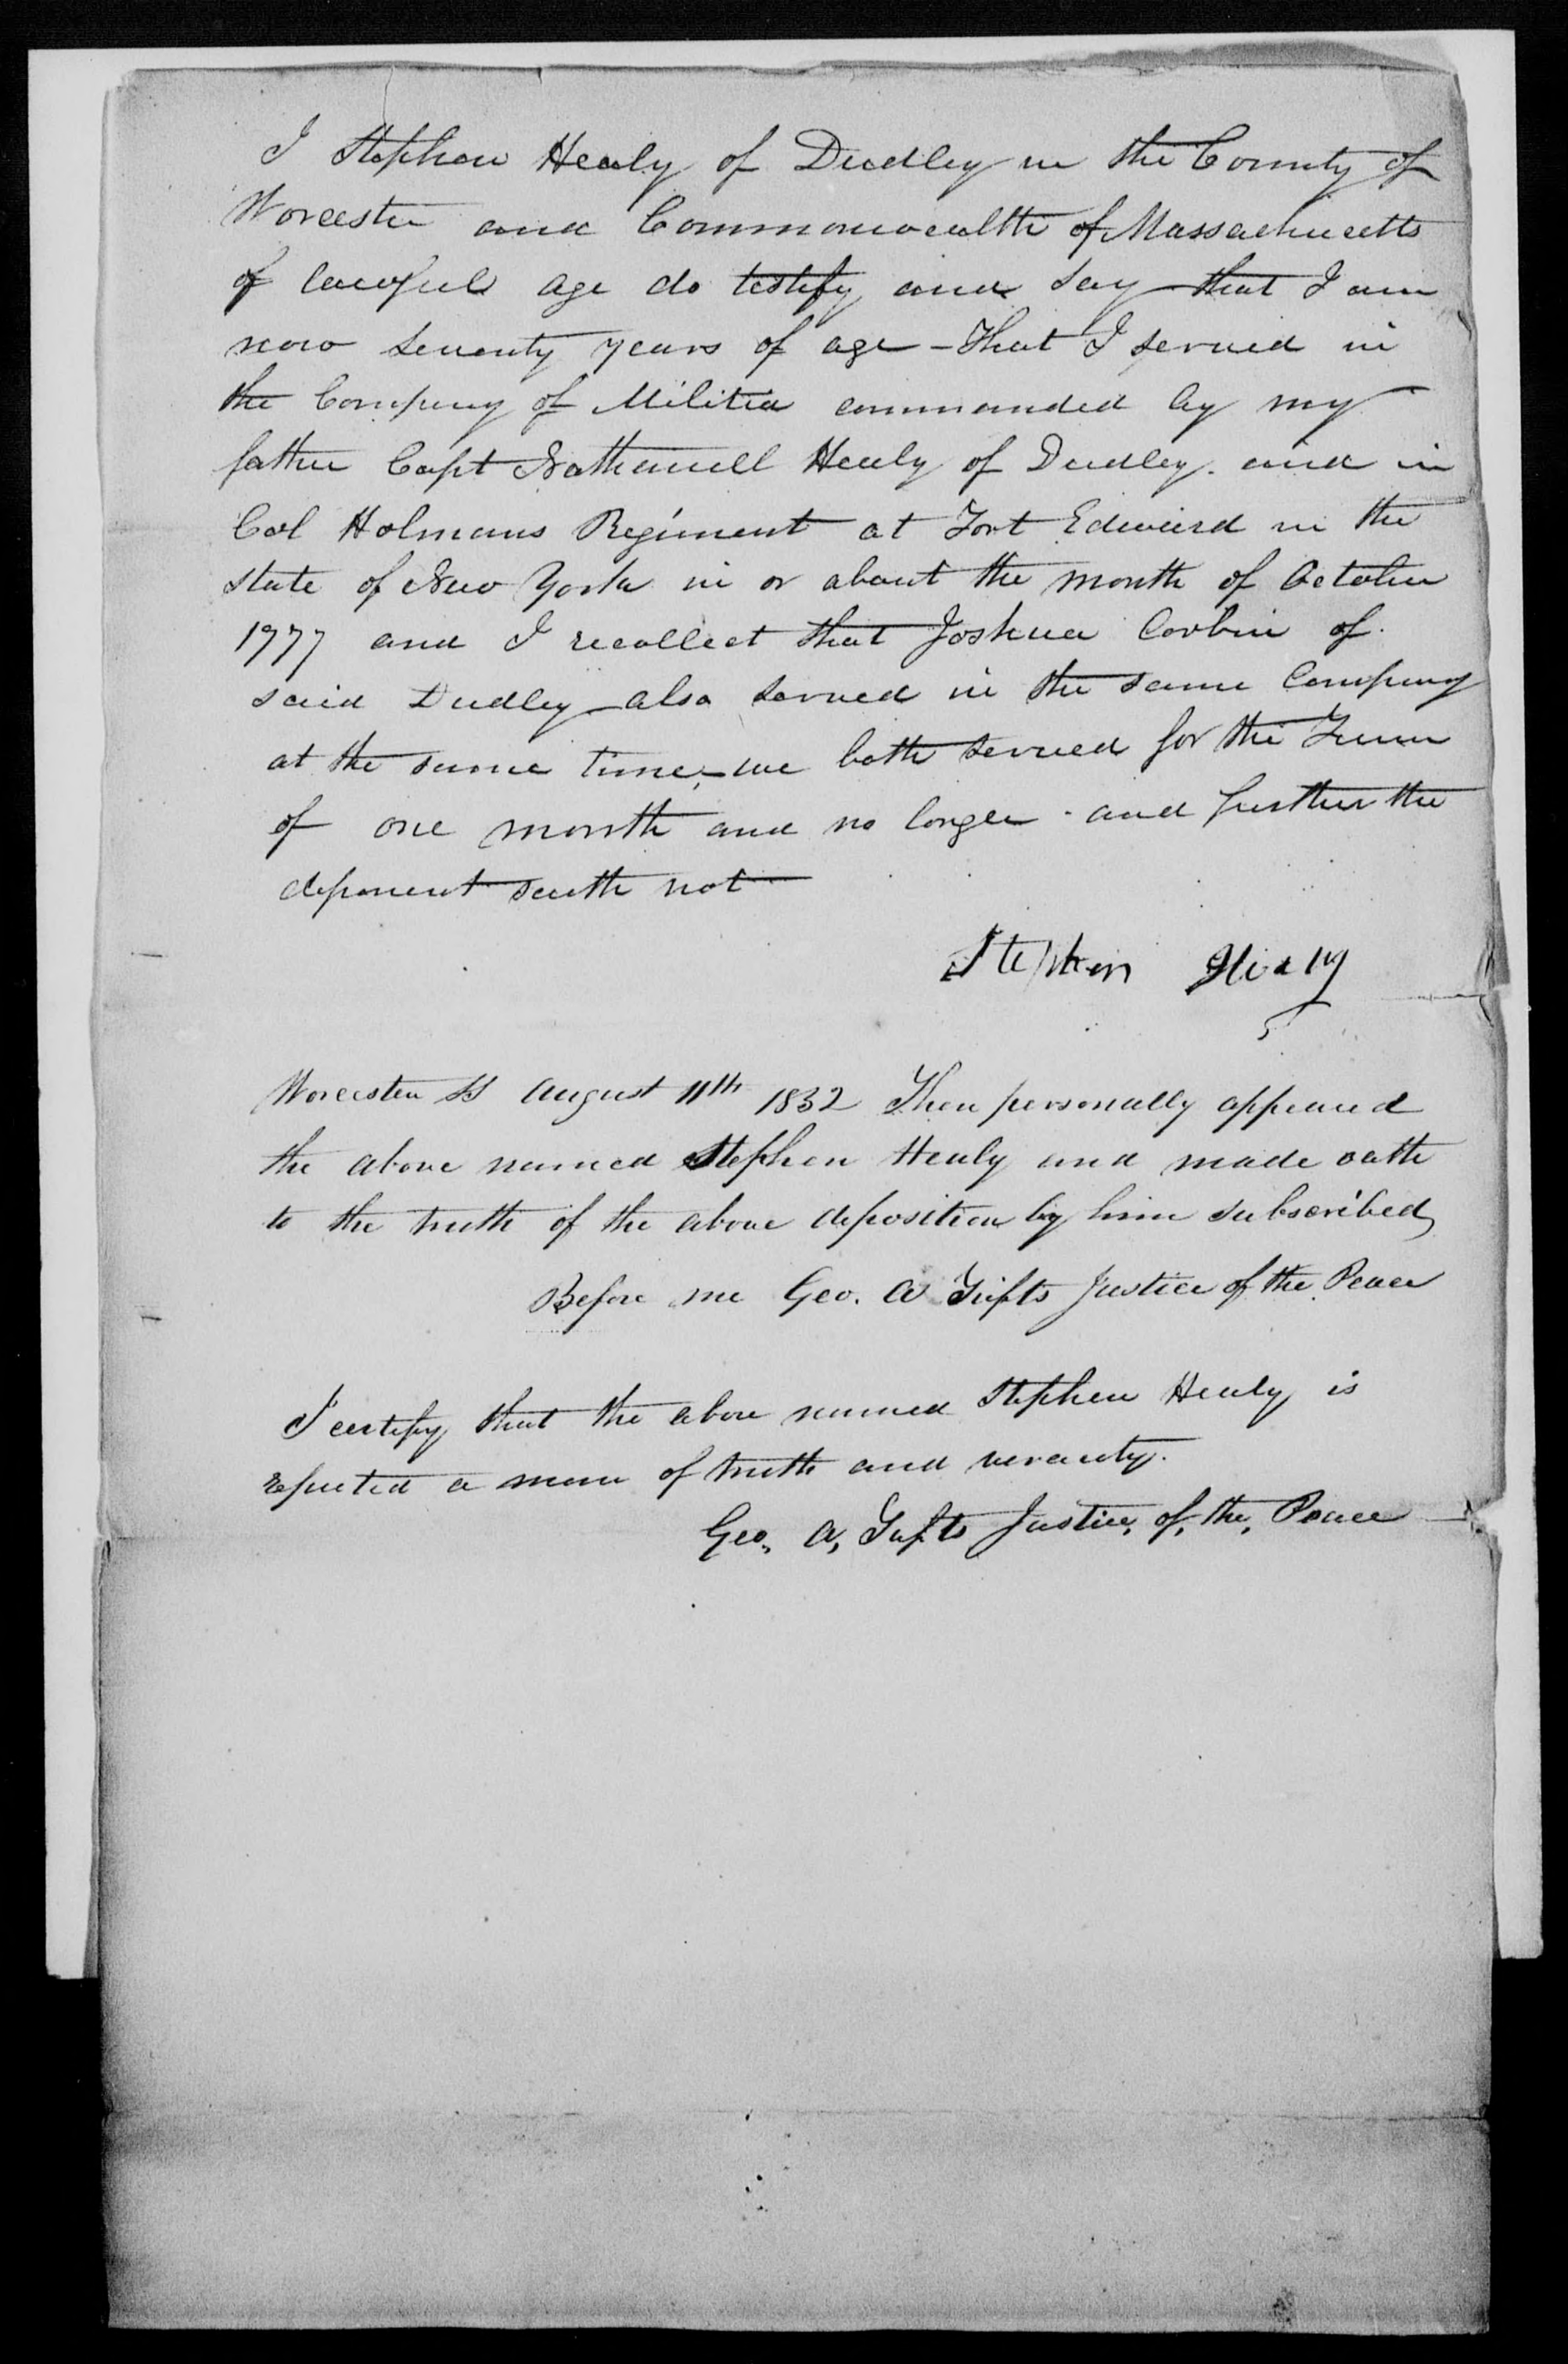I Nathaniel Healy of Dudley in the County of Worcester and Commonwealth of Massachusetts of lawful age do testify this day that am now Seventy years of age- That I served in the Company of Militia commanded by my father Capt Sathwell Healy of Dudley (illegible) in Col Holmans Regiment at Fort Edward in the State of New York in or about the month of October 1777 and I recollect that Joshua Corbin of said Dudley also served in the same Company at the same time we both served for the term of one month and no longer and further his (illegible) not
Stephen Healy

Worcester SS August 11th 1832 Then personally approved the above named Stephen Healy and made oath to the truth of the above deposition by him  (illegible)
Before me George A. Tufts, Justice of the Peace

I certify that the above named Stephen Healy is reputed a person of truth and (illegible)
George A Tufts
Justice of the Peace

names: Nathaniel Healy, Joshua Corbin, Stephen Healy, Geo A Tufts, Geo A Tufts, Stephen Healy, Stephen Healy, Stephen Healy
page: 31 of 34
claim: survivor's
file: S. 12581, Joshua Corbin, Mass.